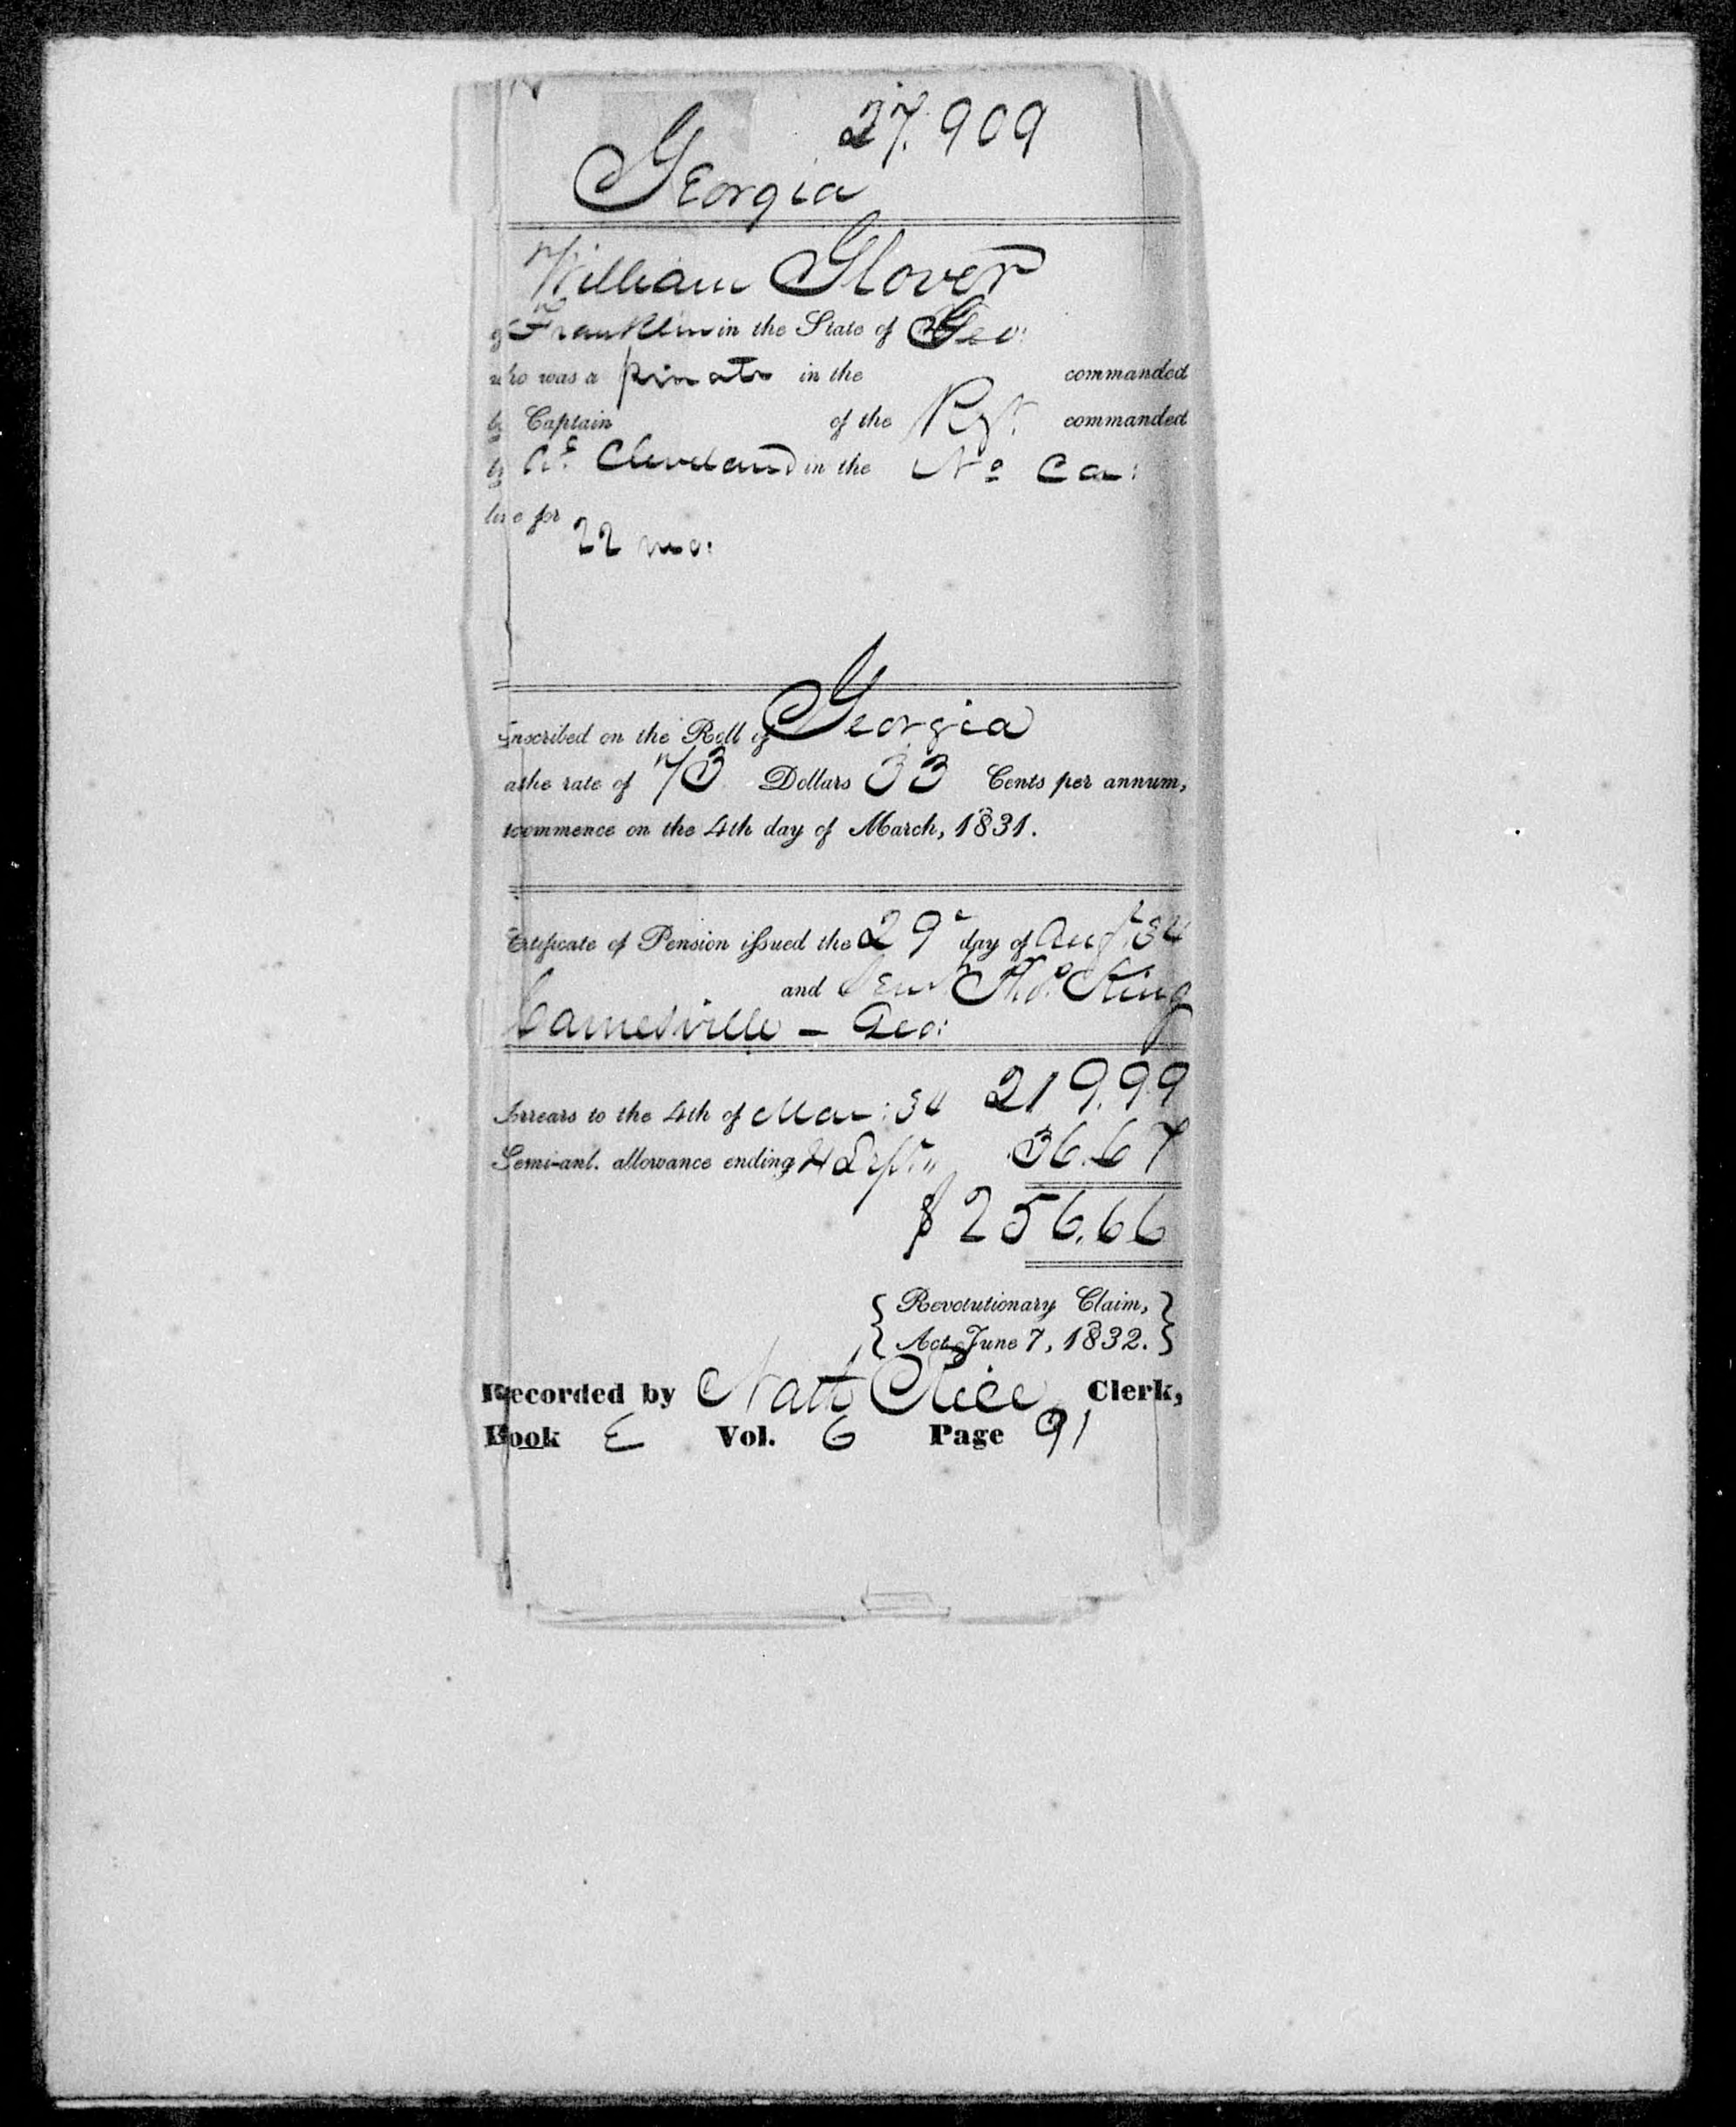27.909
Georgia 

William Glover

Franklin in the State of Georgia who was a private in the [left blank] commanded by Captain [left blank] of the Rgt commanded by [illegible] Cleveland in the No [illegible] for 22 mo 

Transcribed on the Roll of Georgia at the rate of 73 Dollars 33 Cents per annum, commence on the 4th day of March, 1831.

Certificate of Pension issued the 29th day of Aug 1834 and [illegible] Thos King 

Gainesville-Georgia 

Arrears to the 4th of March [18]34          219.99
Semi-anl. allowance ending 4 Sept.        36.67
                                                            $256.66
                                        {Revolutionary Claim,}
                                        {Act of June 7, 1832.}
Recorded by Nath Rice Clerk, 
Book E Vol. 6 Page 91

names: Thos King, Nath Rice, William Glover, Cleveland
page: 2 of 51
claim: widow's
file: W. 929, William Glover, N.C.